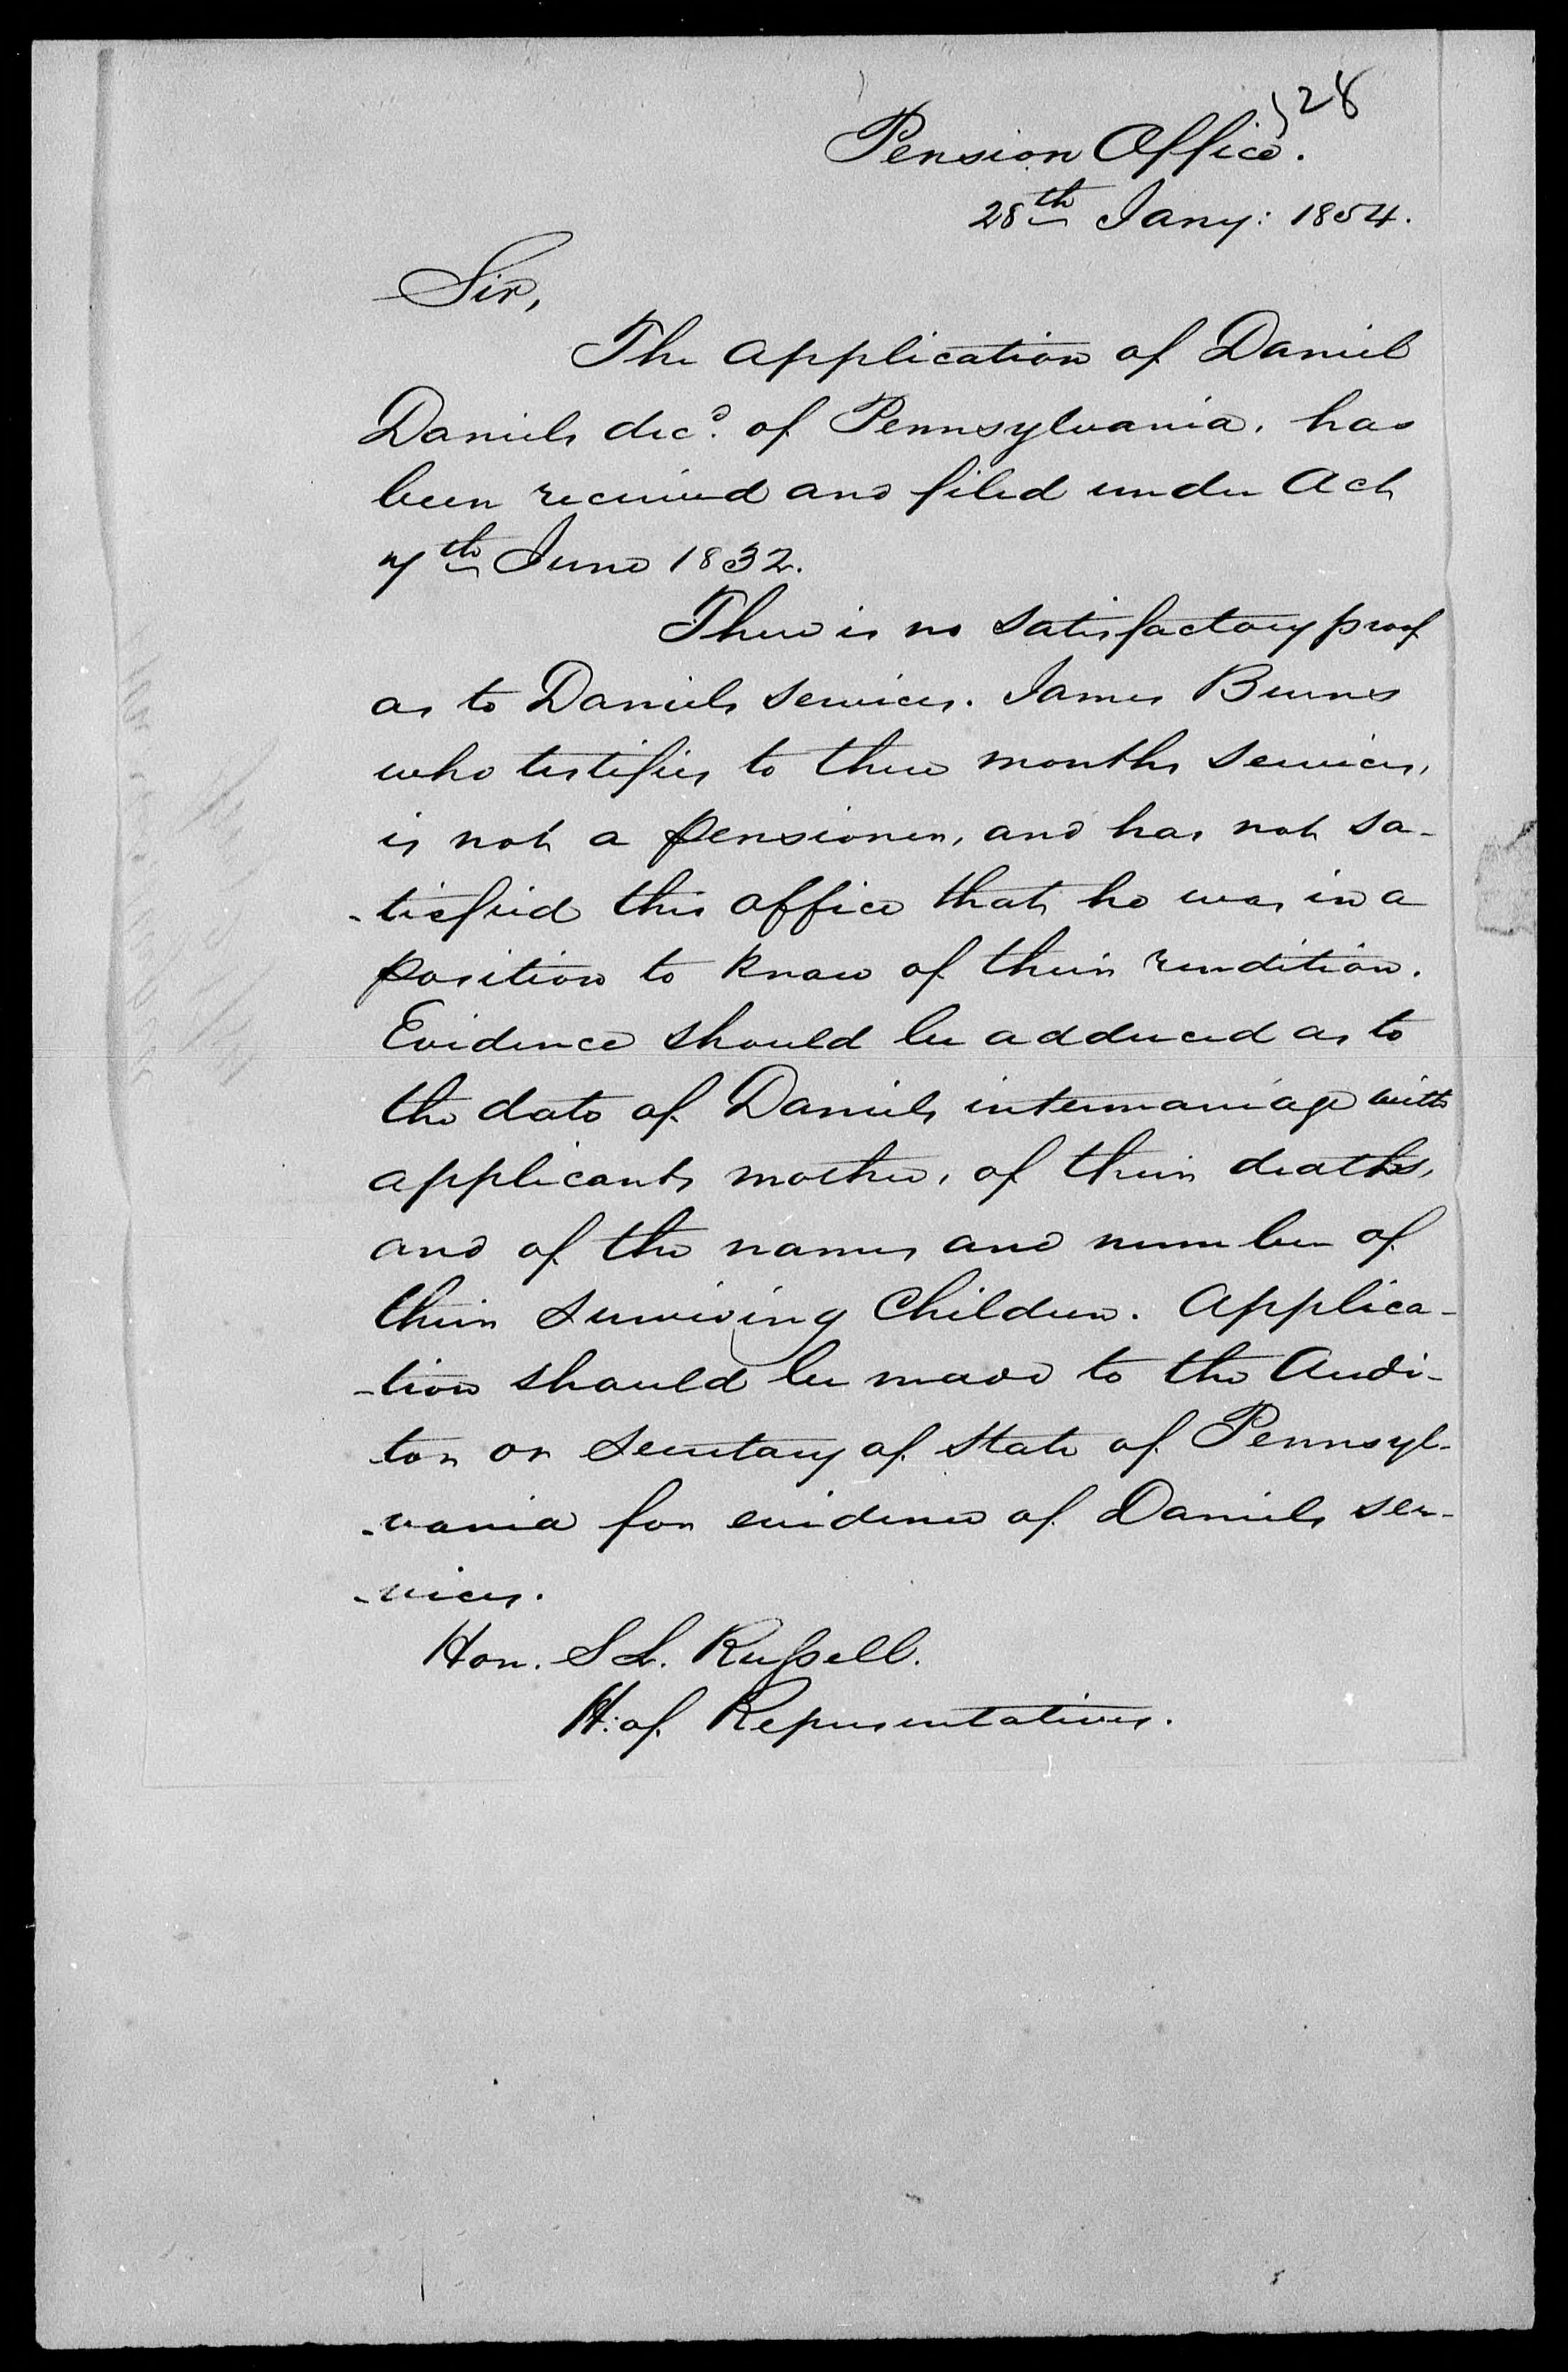28
Pension Office.
28th Jany. 1854
Sir,
The application of Daniel
Daniels decd. of Pennsylvania, has
been received and filed under Act
7th June 1832.
There is no satisfactory proof
as to Daniels services. James Burns
who testifies to three months services,
is not a pensioner, and has not satisfied
this office that he was in a
position to know of their rendition.
Evidence should be adduced as to
the date of Daniels intermarriage with
applicants mother, of their deaths,
and of the names and number of
their surviving children. Application
should be made to the Auditor
or Secretary of State of Pennsylvania
for evidence of Daniels services.
Hon. S. L. Russell
H. of Representatives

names: Daniels, James Burns, Daniels, Daniel Daniels, Daniels, S L Russell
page: 23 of 35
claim: rejected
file: R. 2,650, Daniel Daniels, Penn.